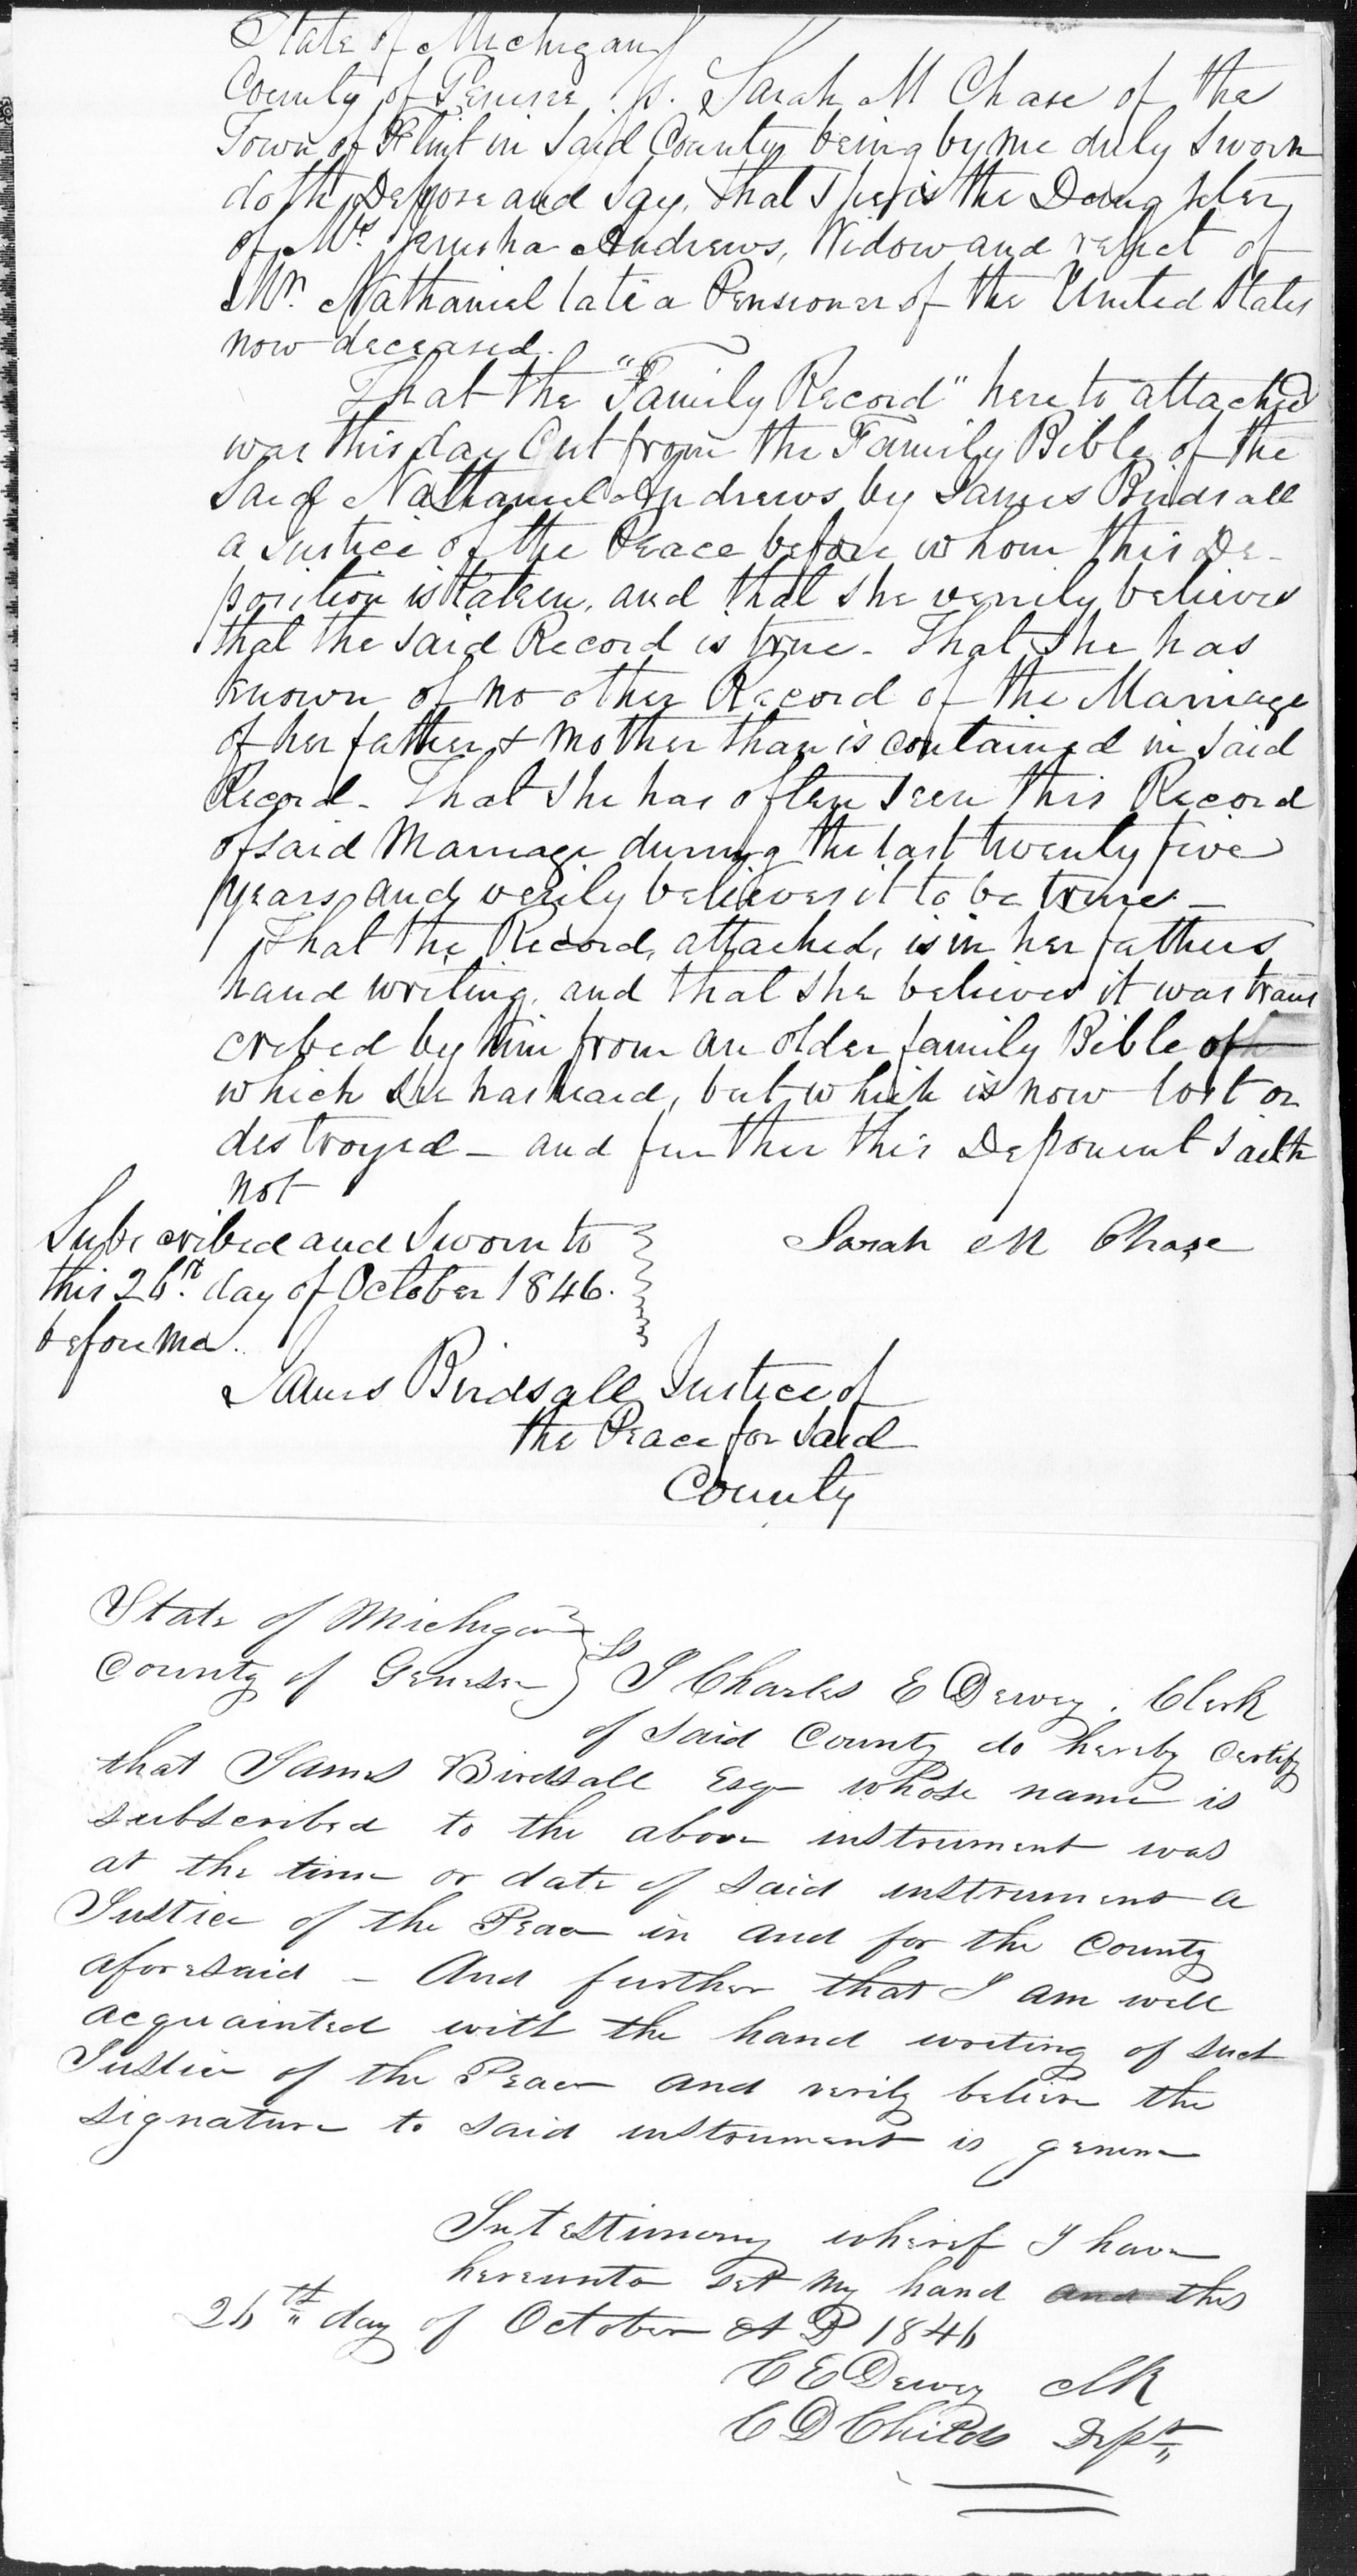State of Michigan
County of Genesee. Sarah M Chase of the
Town of Flint in said County being by me duly sworn
doth depose and say, that she is the Daughter
of Mr Jerusha Andrews, Widow and relict of
Mr Nathaniel late a Pensioner of the United States
now deceased "
it
be
That the Family Record here to attached
was this day cut from the Family Bible of the
said Nathaniel Andrews by James Birdsall
a Justice of the Peace before whom this deposition
is taken, and that she verily believes
that the said Record is true. That she has
known of no other Record of the Marriage
of her father & mother than is contained in said
Record. That she has often seen this Record
of said Marriage during the last twenty five
years and verily believes it to be true
That the Record attached is in her fathers
hand writing, and that she believes it was transcribed by him from an older family Bible of
whichs he has heard, but which is now lost or
destroyed and further this Deponent saith
not
Sarah M Chase
Subscribed and Sworn to
this 26th day of October 1846
before me
James Birdsall Justice of
the Peace for said
County
State of Michigan
County of Genesee  I Charles E Dewey, Clerk
that James Birdsall Esq whose name is
subscribed to the above instrument was
at the time or date of said instrument a
Justice of the Peace in and for the County
aforesaid And further that I am well
acquainted with the hand writing of such
Justice of the Peace and verily believe the
signature to said instrument is genuine
In testimony whereof I have
hereunto set my hand and this
26th day of October A D 1846
C E Dewey Clk
C D Childs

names: Nathaniel, C E Dewey, James Birdsall, Sarah M Chase, Jerusha Andrews, Nathaniel Andrews, James Birdsall, Sarah M Chase, Charles E Dewey, C D Childs, James Birdsall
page: 12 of 78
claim: widow's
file: W. 4117, Nathaniel Bradley, Conn.